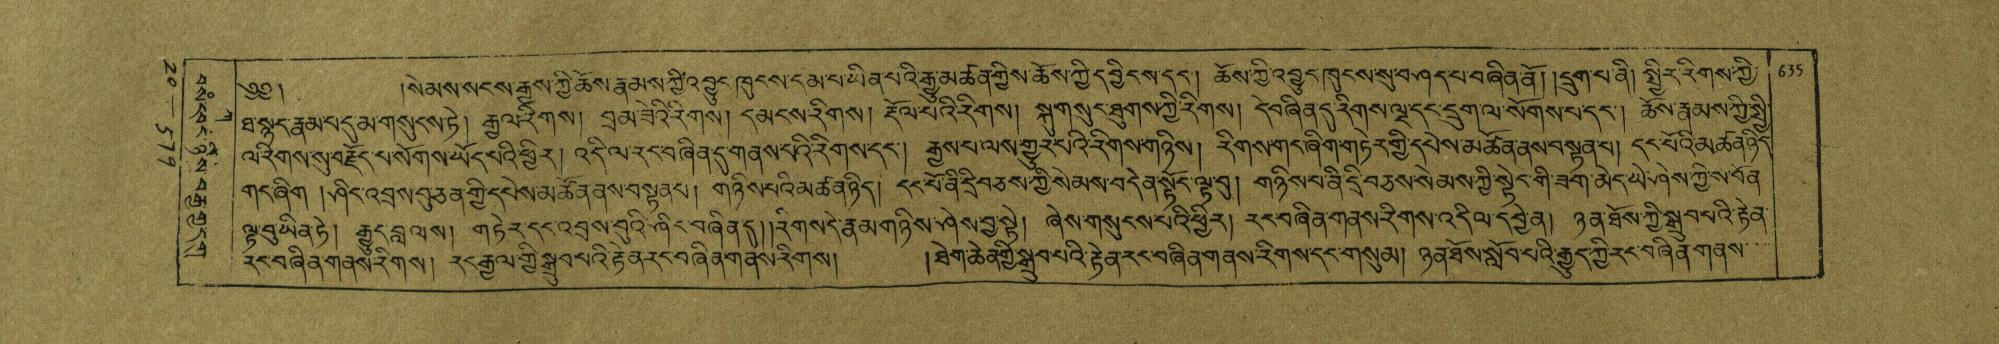༄༅། །སེམས་སངས་རྒྱས་ཀྱི་ཆོས་རྣམས་ཀྱི་འབྱུང་ཁུངས་དམ་པ་ཡིན་པའི་རྒྱུ་མཚན་གྱིས་ཆོས་ཀྱི་དབྱིངས་དང་། ཆོས་ཀྱི་འབྱུང་ཁུངས་སུ་བཤད་པ་བཞིན་ནོ། །དྲུག་པ་ནི། སྤྱིར་རིགས་ཀྱི་
ཐ་སྙད་རྣམ་པ་དུ་མ་གསུངས་ཏེ། རྒྱལ་རིགས། བྲམ་ཟེའི་རིགས། དམངས་རིགས། རྡོལ་པའི་རིགས། སྐུ་གསུང་ཐུགས་ཀྱི་རིགས། དེ་བཞིན་དུ་རིགས་ལྔ་དང་དྲུག་ལ་སོགས་པ་དང་། ཆོས་རྣམས་ཀྱི་སྤྱི་
ལ་རིགས་སུ་བརྗོད་པ་སོགས་ཡོད་པའི་ཕྱིར། འདི་ལ་རང་བཞིན་དུ་གནས་པའི་རིགས་དང་། རྒྱས་པ་ལས་གྱུར་པའི་རིགས་གཉིས། རིགས་གང་ཞིག་གཏེར་གྱི་དཔེས་མཚོན་ནས་བསྟན་པ། དང་པོའི་མཚན་ཉིད་
གང་ཞིག །ཤིང་འབྲས་བུ་ཅན་གྱི་དཔེས་མཚོན་ནས་བསྟན་པ། གཉིས་པའི་མཚན་ཉིད། དང་པོ་ནི་དྲི་བཅས་ཀྱི་སེམས་བདེན་སྟོང་ལྟ་བུ། གཉིས་པ་ནི་དྲི་བཅས་སེམས་ཀྱི་སྟེང་གི་ཟག་མེད་ཡེ་ཤེས་ཀྱི་ས་བོན་
ལྟ་བུ་ཡིན་ཏེ། རྒྱུད་བླ་ལས། གཏེར་དང་འབྲས་བུའི་ཤིང་བཞིན་དུ། །རིགས་དེ་རྣམ་གཉིས་ཤེས་བྱ་སྟེ། ཞེས་གསུངས་པའི་ཕྱིར། རང་བཞིན་གནས་རིགས་འདི་ལ་དབྱེ་ན། ཉན་ཐོས་ཀྱི་སྒྲུབ་པའི་རྟེན་
རང་བཞིན་གནས་རིགས། རང་རྒྱལ་གྱི་སྒྲུབ་པའི་རྟེན་རང་བཞིན་གནས་རིགས། །ཐེག་ཆེན་གྱི་སྒྲུབ་པའི་རྟེན་རང་བཞིན་གནས་རིགས་དང་གསུམ། ཉན་ཐོས་སློབ་པའི་རྒྱུད་ཀྱི་རང་བཞིན་གནས་